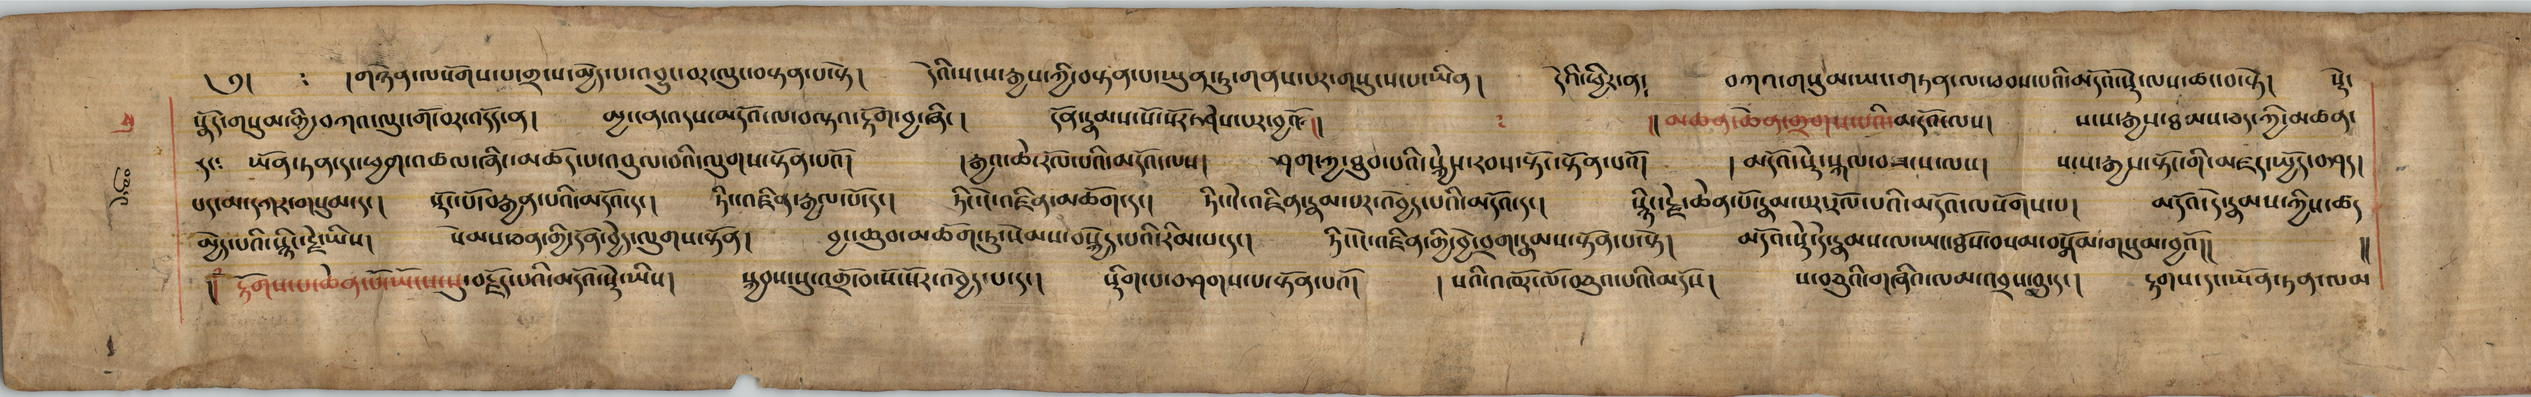༅། : །གཉེན་ལསོགས་པ་གྲངས་མྱེད་པ་འབྱུང་བར་ལུང་བསྟན་པ་སྟེ། དེའི་སངས་རྒྱས་ཀྱི་བསྟན་པ་ཡུན་ཏུ་གནས་པར་གསུངས་པ་ཡིན། དེའི་ཕྱིར་ན། བཀའ་གསུམ་ཡང་གཏན་ལ་ཕབས་པའི་མདོའ་སྡེ་ལས་ཚང་བ་སྟེ། སྡེ་
སྣོད་གསུམ་གྱི་བཀའ་ལུང་གོ་བར་འདོད་ན། མྱ་ངན་འདས་མདོའ་ལ་བལྟའ་རྟོག་བྱ་ཞིང ། དོན་རྣམས་སོ་སོར་ཤེས་པར་བྱའོ །། །། མཆན་ཆེན་གྲགས་པའི་མདོའ་ལས། སངས་རྒྱས་ཐམས་ཅད་ཀྱི་མཚན་
རང: ཡོན་ཏན་དང་ཕྱག་འཚལ་ཞིང་མཆོད་པ་འབུལ་བའི་ལུགས་སྟོན་པའོ། །རྒྱའ་ཆེ་རོལ་པའི་མདོའ་ལས། ཤག་ཀྱ་ཐུབ་པའི་སྐྱེས་རབས་སྟོང་སྟོན་པའོ། ། མདོའ་སྡེ་སྐལ་བཟངས་ལས། སངས་རྒྱས་སྟོང་གི་མཛད་སྤྱོད་བཤད།
པད་མ་དཀར་གསུམ་དང། སྡོང་པོ་བརྒྱན་པའི་མདོའ་དང། ཏིང་ངེ་འཛིན་རྒྱལ་པོ་དང། ཏིང་ངེ་འཛིན་མཆོག་དང། ཏིང་ངེ་འཛིན་རྣམ་པར་འབྱེད་པའི་མདོའ་དང། སྙིང་རྗེ་ཆེན་པོ་རྣམ་པར་རོལ་པའི་མདོའ་ལསོགས་པ། མདོའ་དེ་རྣམས་ཀྱིས་ཚད
མྱེད་པའི་སྣིང་རྗེ་ཡིས། སེམས་ཅན་གྱི་དོན་བྱེད་ལུགས་སྟོན། བྱང་ཆུབ་མཆོག་ཏུ་སེམས་བསྐྱེད་པའི་རིམ་པ་དང། ཏིང་ངེ་འཛིན་གྱི་བྱེ་བྲག་རྣམས་སྟོན་པ་སྟེ། མདོའ་སྡེ་དེ་རྣམས་ལ་ཡང་ཐོས་བསམ་བསྒོམ་གསུམ་བྱའོ།། །།
།། རྟོགས་པ་ཆེན་པོ་ཡོངས་སུ་བརྗོད་པའི་མདོའ་སྡེ་ཡིས། སྐྱབས་སུ་འགྲོ་བ་སོ་སོར་འབྱེད་པ་དང། སྡིག་པ་བཤགས་པ་སྟོན་པའོ། ། སའི་འཁོར་ལོ་བཅུའ་པའི་མདོས། ས་བཅུའི་གཞིའ་ལམ་འབྲས་བུ་དང། རྟགས་དང་ཡོན་ཏན་ལམ